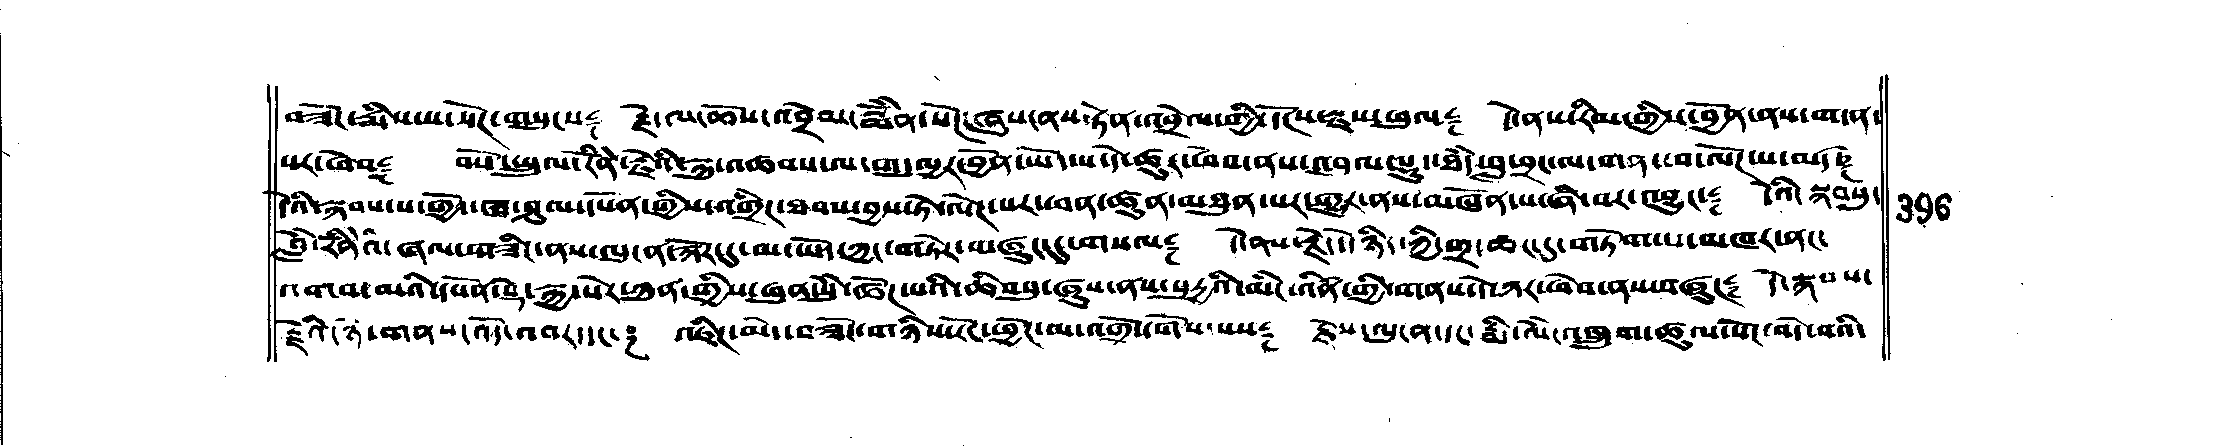བཟང་པོ་རྨིས་པ་སོགས་གསུངས། རྗེ་ལ་ཆོས་འབྲེལ་སྨོན་ལམ་སོགས་ཞུས་ནས་རྟེན་འབྲེལ་གྱི་དངོས་རྫས་ཕུལ།དེ་ནས་རིམ་གྱི་བྱོན་ནས་གདན་
སར་ཕེབས། བསོ་སྤྲུལ་རིན་པོ་ཆེ་རྗེའི་སྐུ་ཚབ་ལ་གདུལ་བྱར་བྱོན་ཡོད་པ་དེ་ཚུར་ཕེབས་ནས་འབུལ་སྡུད་ཐམས་ཅད་བླ་བྲང་ལ་གནང་བ་ལ་སོགས་པ་མཛད། 
དེའི་སྐབས་ས་གྱོད་ཝ་ཤུལ་དཔོན་གྱིས་འགྲིགས་ཐབས་བྱས་ཏེ་ལེགས་པར་ཕན་ཚུན་མཐུན་པར་གྱུར་ནས་མཁོན་པ་ཞི་བར་འབྱུང་། དེའི་སྐབས་སུ་
བླ་མ་རིན་པོ་ཆེའི་ཞལ་གཟིགས་ནས་ལུང་བསྟན་སྐོར་དུ་མ་ཡོད་ཀྱང་གཏེར་གཞུང་དུ་གསལ། དེ་ནས་རྗེ་དེ་ཉིད་ཀྱི་གྲྭ་ཚང་དུ་གཏོགས་པ་མཁར་ནང་
འགབ་མའི་དཔོན་སྡེ་སྐྱ་སེར་ཀུན་གྱིས་ཕུན་སུམ་ཚོགས་པའི་ཆིབས་སུ་ཞུས་ནས་སུརྻའི་མིང་འཛིན་གྱི་གནས་དེ་ཀར་ཕེབས་ནས་བཞུགས། དེ་སྐབས་
རྗེའི་ཉེ་གནས་འོད་འབར་དང་། འཇིགས་མེད་བཟང་པོ་གཉིས་རོང་ཕྱོགས་ལ་འགྲོ་དགོས་པས། རྗེས་ལུང་བསྟན་དང་རྨི་ལམ་འཁྲུག་ཚུལ་སོགས་བདེ་བའི་